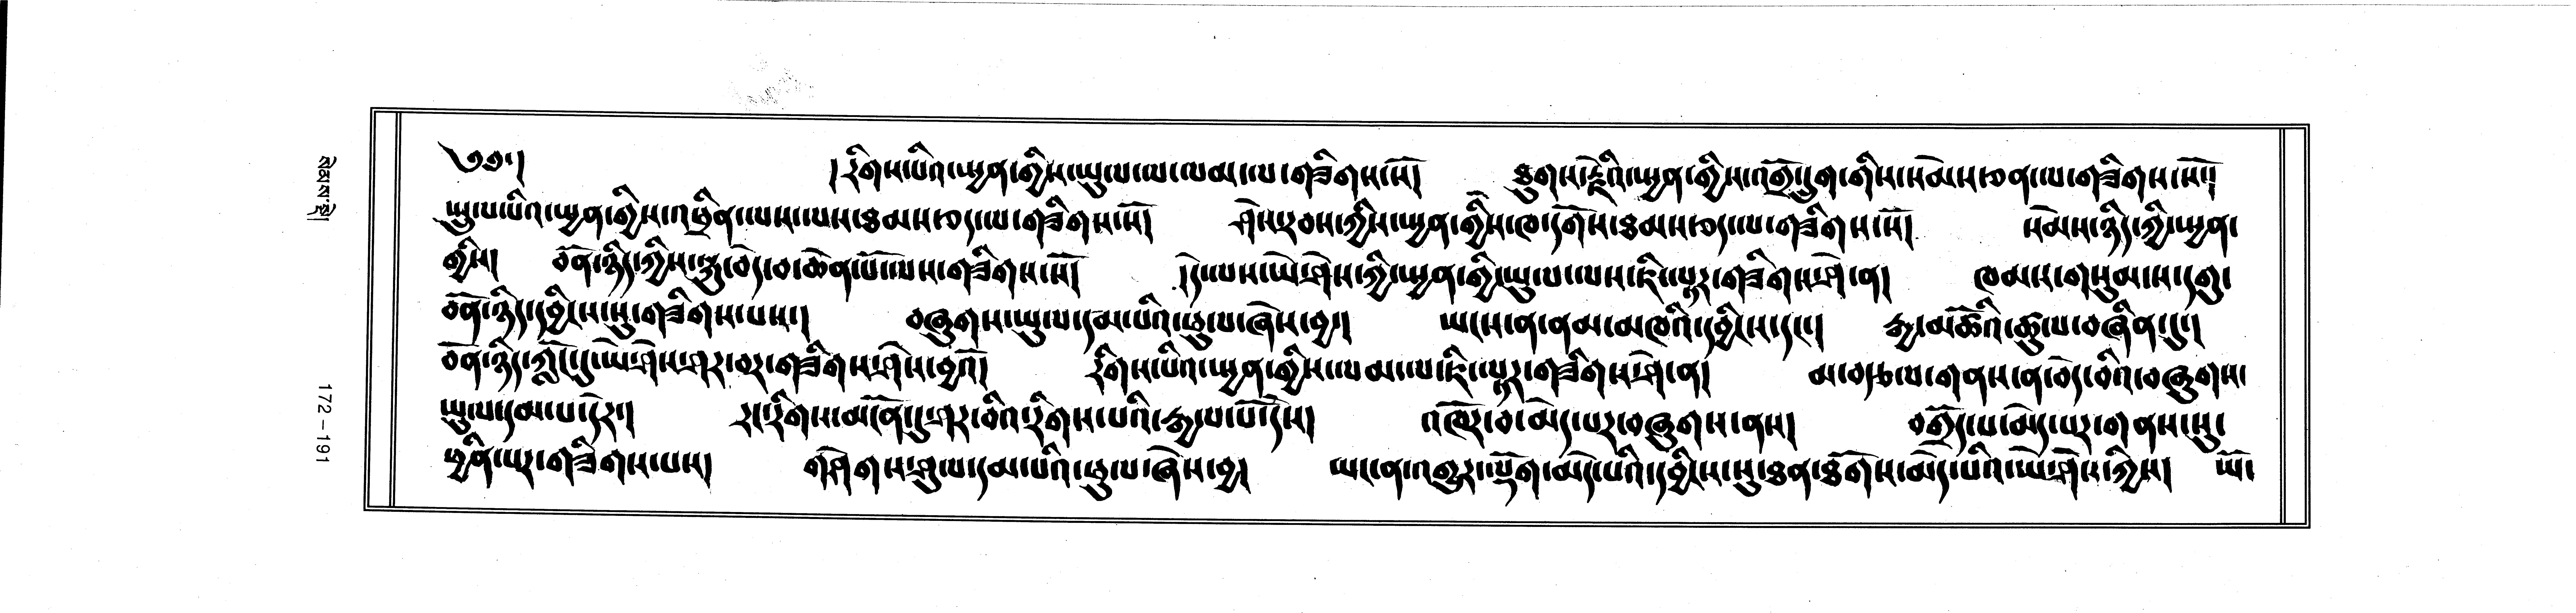རིག་པའི་སྤྱན་གྱིས་ཡུལ་ལ་ལམ་ལ་གཟིགས་སྭོ། ཐུགས་རྗེའི་སྤྱན་གྱིས་འགྲོ་དྲུག་གིས་སེམས་ཅན་ལ་གཟིགས་སྭོ། 
སྤྲུལ་པའི་སྤྱན་གྱིས་འཕྲིན་ལས་ལ་ཐམས་ཅད་ལ་གཟིགས་སྭོ། ཤེས་རབ་ཀྱིས་སྤྱན་གྱིས་ཁ་དོག་ཐམས་ཅད་ལ་གཟིགས་སྭོ། སེམས་ཉིད་ཀྱི་སྤྱན་
གྱིས། བོན་ཉིད་ཀྱིས་སྐུ་བདེ་བ་ཆེན་པོ་ལས་གཟིགས་སྭོ། དེ་ལས་ཡེ་ཤེས་ཀྱི་སྤྱན་གྱི་ཡུལ་ལས་ཇི་ལྟར་གཟིགས་ཤེ་ན། ཁམས་གསུམ་ས་དགུ་
བོན་ཉིད་དབྱིངས་སུ་གཟིགས་པས། བཞུགས་ཡུལ་དམ་པའི་ཕུལ་ཞེས་བྱ། ཡང་ན་ནམ་མཁའི་དབྱིངས་དང་། རྒྱ་མཚོའི་ཚུལ་བཞིན་དུ། 
བོན་ཉིད་ཀློང་དུ་ཡེ་ཤེས་ཤར་བར་གཟིགས་ཤེས་བྱའོ། རིག་པའི་སྤྱན་གྱིས་ལམ་ལ་ཇི་ལྟར་གཟིགས་ཤེ་ན། མ་བརྩལ་གནས་ན་བདེ་བའི་བཞུགས་
ཡུལ་དམ་པ་དེར། རང་རིག་མངོན་དུ་ཤར་བའི་རིག་པའི་རྒྱལ་པོ་དེས། འཁོར་བ་མེད་པར་བཞུགས་ནས། བགྲོད་པ་མེད་པར་གནས་སུ་
ཕྱིན་པར་གཟིགས་པས། གཤེགས་ཤུལ་དམ་པའི་ཕུལ་ཞེས་བྱ། ཡང་ནས་འགྱུར་ལྡོག་མེད་པའི་དབྱིངས་སུ་ཐན་ཐོགས་མེད་པའི་ཡེ་ཤེས་ཀྱིས། ཡོ་